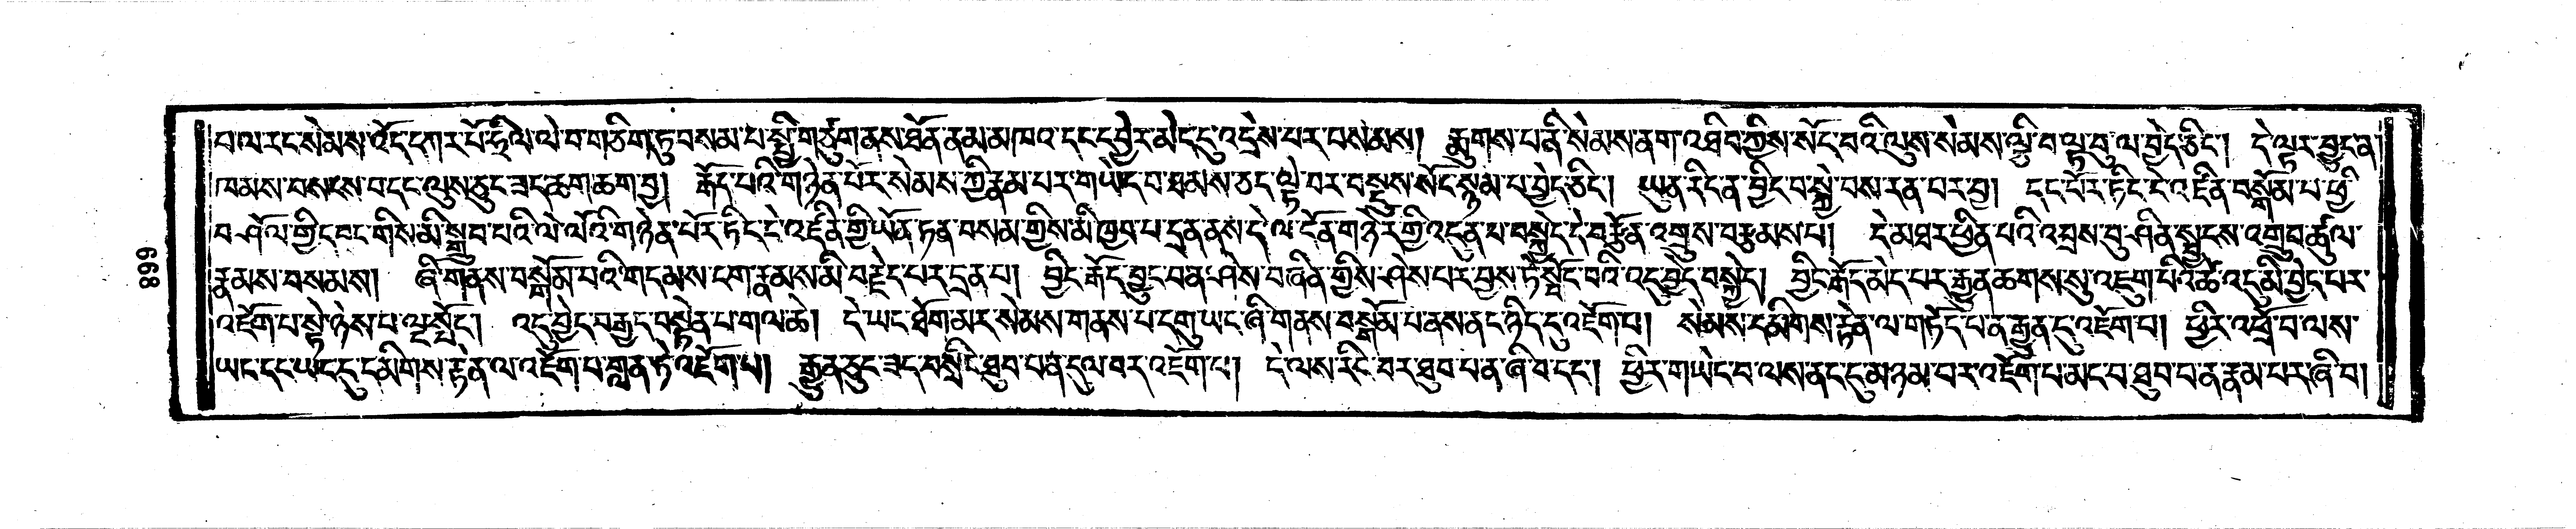བ་ལ་རང་སེམས་འོད་དཀར་པོ་ཧྲིལ་ལེབ་གཅིག་ཏུ་བསམ་པ་སྤྱི་གཙུག་ནས་ཐོན་ནམ་མཁའ་དང་དབྱེར་མེད་དུ་འདྲེས་པར་བསམས། རྨུགས་པ་ནི་སེམས་ནག་འཐིབ་ཀྱིས་སོང་བའི་ལུས་སེམས་ལྕི་བ་ལྟ་བུ་ལ་བྱེད་ཅིང་། དེ་ལྟར་བྱུང་ན་
ཁམས་བསངས་བ་དང་ལུས་ཅུང་ཟད་ཆག་ཆག་བྱ། རྒོད་པའི་གཉེན་པོར་སེམས་ཀྱི་རྣམ་པར་གཡེང་བ་ཐམས་ཅད་ལྟེ་བར་བསྡུས་སོང་སྙམ་པ་བྱེད་ཅིང་། ཡུན་རིང་ན་བྱིང་བ་སྐྱེ་བས་རན་པར་བྱ། དང་པོར་ཏིང་ངེ་འཛིན་བསྒོམ་པ་ཕྱི་
བཤོལ་གྱི་དབང་གིས་མི་སྒྲུབ་པའི་ལེ་ལོའི་གཉེན་པོར་ཏིང་ངེ་འཛིན་གྱི་ཡོན་ཏན་བསམ་གྱིས་མི་ཁྱབ་པ་དྲན་ནས་དེ་ལ་དོན་གཉེར་གྱི་འདུན་པ་བསྐྱེད་དེ་བརྩོན་འགྲུས་བརྩམས་པ། དེ་མཐར་ཕྱིན་པའི་འབྲས་བུ་ཤིན་སྦྱངས་འགྲུབ་ཚུལ་
རྣམས་བསམས། ཞི་གནས་བསྒོམ་པའི་གདམས་ངག་རྣམས་མི་བརྗེད་པར་དྲན་པ། བྱིང་རྒོད་བྱུང་བ་ན་ཤེས་བཞིན་གྱིས་ཤེས་པར་བྱས་ཏེ་སྦོང་བའི་འདུ་བྱེད་བསྐྱེད། བྱིང་རྒོད་མེད་པར་རྒྱུན་ཆགས་སུ་འཇུག་པའི་ཚེ་འདུ་མི་བྱེད་པར་
འཇོག་པ་སྟེ་ཉེས་པ་ལྔ་སྤོང་། འདུ་བྱེད་བརྒྱད་བསྟེན་པ་གལ་ཆེ། དེ་ཡང་ཐོག་མར་སེམས་གནས་པ་དགུ་ཡང་ཞི་གནས་བསྒོམ་པ་ནས་ནང་ཉིད་དུ་འཇོག་པ། སེམས་དམིགས་རྟེན་ལ་གཏོད་པ་ན་རྒྱུན་དུ་འཇོག་པ། ཕྱིར་འཕྲོ་བ་ལས་
ཡང་དང་ཡང་དུ་དམིགས་རྟེན་ལ་འཇོག་པ་གླན་ཏེ་འཇོག་པ། རྒྱུན་ཅུང་ཟད་བསྲིང་ཐུབ་པ་ན་དུལ་བར་འཇོག་པ། དེ་ལས་རིང་བར་ཐུབ་པ་ན་ཞི་བ་དང་། ཕྱིར་གཡེང་བ་ལས་ནང་དུ་མཉམ་བར་འཇོག་པ་མང་བ་ཐུབ་བ་ན་རྣམ་པར་ཞི་བ།